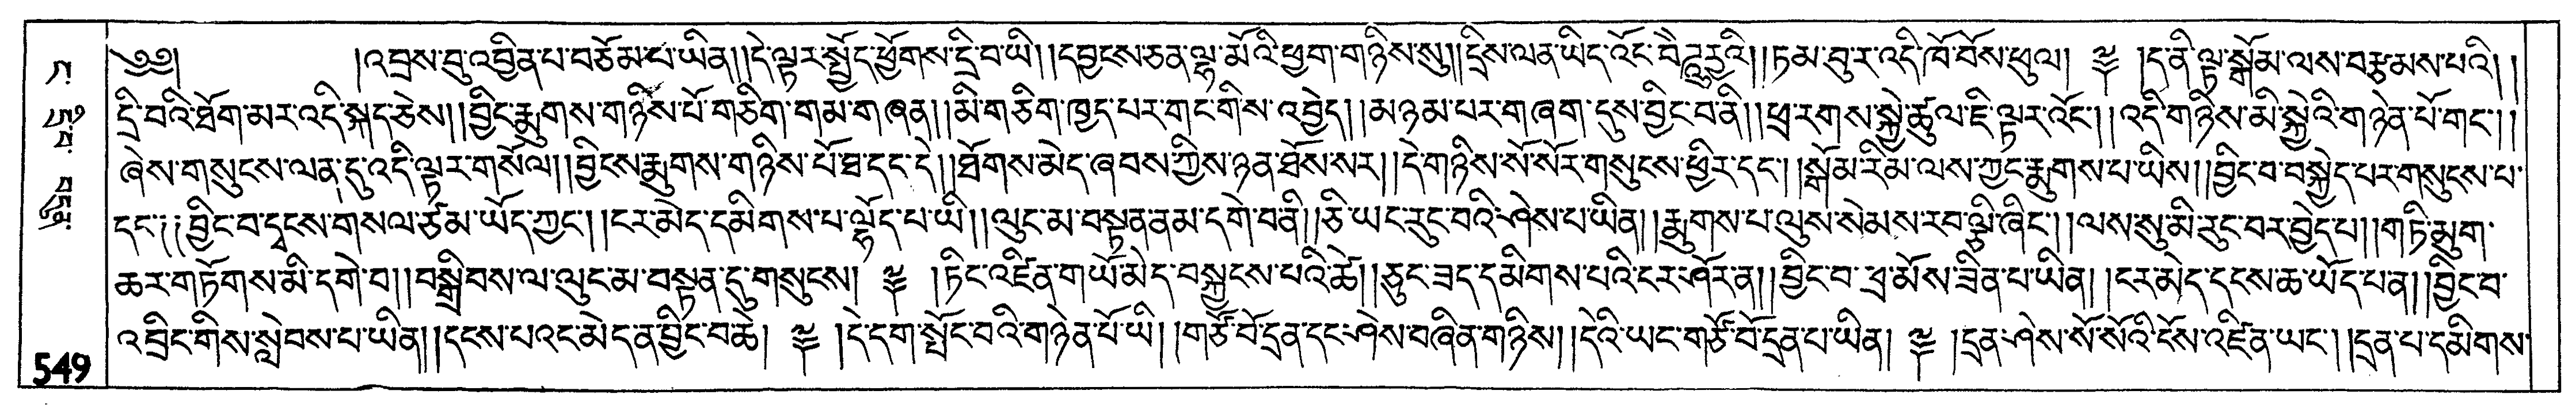༄༅། །འབྲས་བུ་འབྱིན་པ་བཅོམ་པ་ཡིན། །དེ་ལྟར་སྤྱོད་ཕྱོགས་དྲི་བ་ཡི། །དབྱངས་ཅན་ལྷ་མོའི་ཕྱག་གཉིས་སུ། །དྲིས་ལན་ཡིད་འོང་བཻཌཱུརྱའི། །ཏམ་བུ་ར་འདི་ཁོ་བོས་ཕུལ། ༈ །ད་ནི་ལྟ་སྒོམ་ལས་བརྩམས་པའི། །
དྲི་བའི་ཐོག་མར་འདི་སྐད་ཅེས། །བྱིང་རྨུགས་གཉིས་པོ་གཅིག་གམ་གཞན། །མི་གཅིག་ཁྱད་པར་གང་གིས་འབྱེད། །མཉམ་པར་གཞག་དུས་བྱིང་བ་ནི། །ཕྲ་རགས་སྐྱེ་ཚུལ་ཇི་ལྟར་འོང་། །འདི་གཉིས་མི་སྐྱེའི་གཉེན་པོ་གང་། །
ཞེས་གསུངས་ལན་དུ་འདི་ལྟར་གསོལ། །བྱིངས་རྨུགས་གཉིས་པོ་ཐ་དད་དེ། །ཐོགས་མེད་ཞབས་ཀྱིས་ཉན་ཐོས་སར། །དེ་གཉིས་སོ་སོར་གསུངས་ཕྱིར་དང་། །སྒོམ་རིམ་ལས་ཀྱང་རྨུགས་པ་ཡིས། །བྱིང་བ་བསྐྱེད་པར་གསུངས་པ་
དང༑ ༑བྱིང་བ་དྭངས་གསལ་ཙམ་ཡོད་ཀྱང་། །ངར་མེད་དམིགས་པ་ལྷོད་པ་ཡི། །ལུང་མ་བསྟན་ནམ་དགེ་བ་ནི། །ཅི་ཡང་རུང་བའི་ཤེས་པ་ཡིན། །རྨུགས་པ་ལུས་སེམས་རབ་ལྕི་ཞིང་། །ལས་སུ་མི་རུང་བར་བྱེད་པ། །གཏི་མུག་
ཆར་གཏོགས་མི་དགེ་བ། །བསྒྲིབས་ལ་ལུང་མ་བསྟན་དུ་གསུངས། ༈ །ཏིང་འཛིན་གཡོ་མེད་བསྐྱངས་པའི་ཚེ། །ཅུང་ཟད་དམིགས་པའི་ངར་ཤོར་ན། །བྱིང་བ་ཕྲ་མོས་ཟིན་པ་ཡིན། །ངར་མེད་དངས་ཆ་ཡོད་པ་ན། །བྱིང་བ་
འབྲིང་གིས་སླེབས་པ་ཡིན། །དངས་པའང་མེད་ན་བྱིང་བ་ཆེ། ༈ །དེ་དག་སྤོང་བའི་གཉེན་པོ་ཡི། །གཙོ་བོ་དྲན་དང་ཤེས་བཞིན་གཉིས། །དེའི་ཡང་གཙོ་བོ་དྲན་པ་ཡིན། ༈ །དྲན་ཤེས་སོ་སོའི་ངོས་འཛིན་ཡང་། །དྲན་པ་དམིགས་